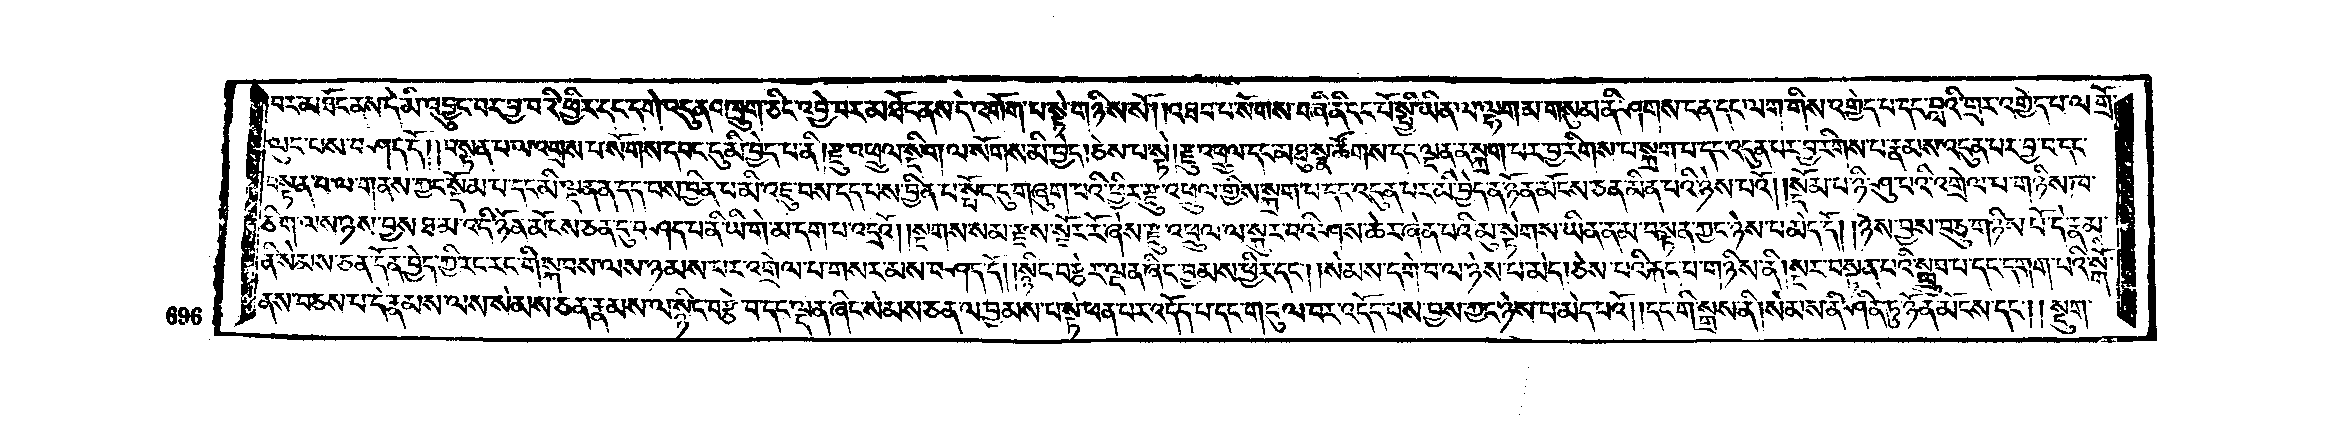བར་མཐོང་ནས་དེ་མི་འབྱུང་བར་བྱ་བའི་ཕྱིར་དང་དགེ་འདུན་འཁྲུག་ཅིང་འབྱེ་བར་མཐོང་ནས་དེ་འགོག་པ་སྟེ་གཉིས་སོ། །འཐབ་པ་སོགས་བཞི་ནི་དང་པོ་སྤྱི་ཡིན་ལ་ལྷག་མ་གསུམ་ནི་ཤགས་ངན་དང་ལག་གིས་འགྱེད་པ་དང་བླའི་གྲར་འགྱེད་པ་ལ་གྲོ་
ལུང་པས་བཤད་དོ། །བསྟན་པ་ལ་འགྲས་པ་སོགས་དབང་དུ་མི་བྱེད་པ་ནི། རྫུ་འཕྲུལ་སྡིག་ལ་སོགས་མི་བྱེད། ཅེས་པ་སྟེ། རྫུ་འཕྲུལ་དང་མཐུ་སྣ་ཚོགས་དང་ལྡན་ན་སྐྲག་པར་བྱ་རིགས་པ་སྐྲག་པ་དང་འདུན་པར་བྱ་རིགས་པ་རྣམས་འདུན་པར་བྱ་བ་དང་
བསྟན་པ་ལ་གནས་ཀྱང་སྡོམ་པ་དང་མི་ལྡན་ན་དད་པས་བྱིན་པ་མི་འཇུ་བས་དད་པས་བྱིན་པ་སྤོང་དུ་གཞུག་པའི་ཕྱིར་རྫུ་འཕྲུལ་གྱིས་སྐྲག་པ་དང་འདུན་པར་མི་བྱེད་ན་ཉོན་མོངས་ཅན་མིན་པའི་ཉེས་པའོ། །སྡོམ་པ་ཉི་ཤུ་པའི་འགྲེལ་པ་གཉིས་ཁ་
ཅིག་ལས་ཉས་བྱས་ཐ་མ་འདི་ཉོན་མོངས་ཅན་དུ་བཤད་པ་ནི་ཡི་གེ་མ་དག་པ་འདྲའོ། །སྔགས་སམ་རྫས་སྔོར་རོ་ཞེས་རྫུ་འཕྲུལ་ལ་སྐུར་བའི་ཤས་ཆེར་ཞེན་པའི་མུ་སྟེགས་ཡིན་ན་མ་བསྟན་ཀྱང་ཉེས་པ་མེད་དོ། །ཉེས་བྱས་བཅུ་གཉིས་པོ་དེ་རྣམས་
ནི་སེམས་ཅན་དོན་བྱེད་ཀྱི་རང་རང་གི་སྐབས་ལས་ཉམས་པར་འགྲེལ་པ་གསར་མས་བཤད་དོ། །སྙིང་བརྩེར་ལྡན་ཞིང་བྱམས་ཕྱིར་དང་། །སེམས་དགེ་བ་ལ་ཉེས་པ་མེད། ཅེས་པའི་རྐང་པ་གཉིས་ནི། སྔར་བསྟན་པའི་སྒྲུབ་པ་དང་དགག་པའི་སྒོ་
ནས་བཅས་པ་དེ་རྣམས་ལས་སེམས་ཅན་རྣམས་ལ་སྙིང་བརྩེ་བ་དང་ལྡན་ཞིང་སེམས་ཅན་ལ་བྱམས་པ་སྟེ་ཕན་པར་འདོད་པ་དང་གདུལ་བར་འདོད་པས་བྱས་ཀྱང་ཉེས་པ་མེད་པའོ། །དང་གི་སྒྲས་ནི། སེམས་ནི་ཤིན་ཏུ་ཉོན་མོངས་དང་། །སྡུག་